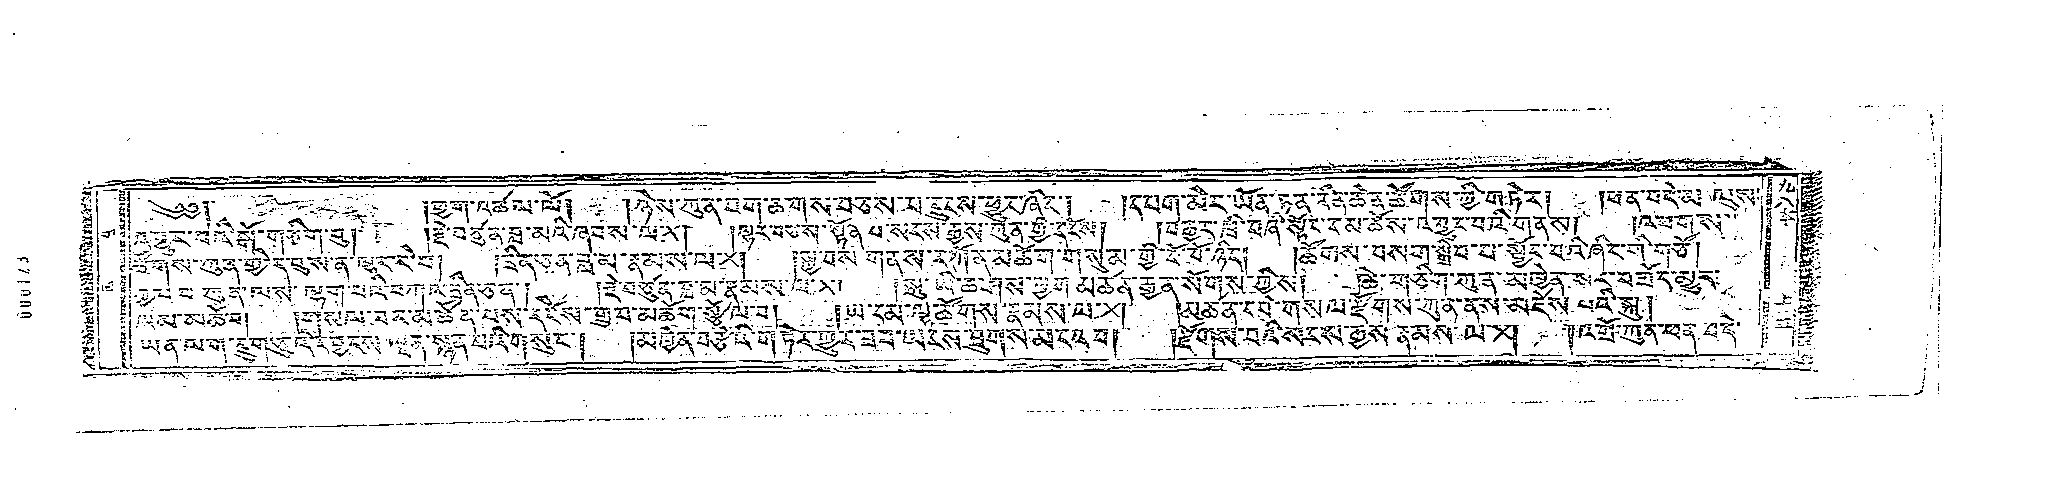༄༅། །ཕྱག་འཚལ་ལོ། །ཉེས་ཀུན་བག་ཆགས་བཅས་པ་དྲུངས་ཕྱུད་ཞིང་། །དཔག་མེད་ཡོན་ཏན་རིན་ཆེན་ཚོགས་ཀྱི་གཏེར། །ཕན་བདེ་མ་ལུས་
འབྱུང་བའི་སྒོ་གཅིག་པུ། །རྗེ་བཙུན་བླ་མའི་ཞབས་ལ་྾་།ལྷར་བཅས་སྟོན་པ་སངས་རྒྱས་ཀུན་གྱི་དངོས། །བརྒྱད་ཁྲི་བཞི་སྟོང་དམ་ཆོས་འབྱུང་བའི་གནས། །འཕགས་
ཚོགས་ཀུན་གྱི་དབུས་ན་ལྷང་དེ་བ། །དྲིན་ཅན་བླ་མ་རྣམས་ལ་྾། །སྐྱབས་གནས་དཀོན་མཆོག་གསུམ་གྱི་ངོ་བོ་ཉིད། །ཚོགས་བསག་སྒྲིབ་པ་སྦྱོང་བའི་ཞིད་གི་གཙོ། །
རྒྱལ་བ་ཀུན་ལས་ལྷག་པའི་བཀའ་དྲིན་ཅན། །རྗེ་བཙུན་བླ་མ་རྣམས་ལ་྾། །སྐུ་ཡི་ཆ་ཤས་ཕྱག་མཚན་རྒྱན་སོགས་ཀྱིས། །ཚེ་གཅིག་ཀུན་མཁྱེན་སར་བགྲོད་མྱུར་
ལམ་མཆོག །གསལ་བར་མཚོན་པས་དངོས་གྲུབ་མཆོག་སྩོལ་བ། །ཡི་དམ་ལྷ་ཚོགས་རྣམས་ལ་྾། །མཚན་དཔེ་གསལ་རྫོགས་ཀུན་ནས་མཛེས་པའི་སྐུ།
ཡན་ལག་དྲུག་ཅུའི་དབྱངས་ལྡན་སྙན་པའི་གསུང་། །མཁྱེན་བརྩེའི་གཏེར་གྱུར་ཟབ་ཡངས་ཐུགས་མངའ་བ། །རྫོགས་པའི་སངས་རྒྱས་རྣམས་ལ་྾། །འགྲོ་ཀུན་ཕན་བདེ་